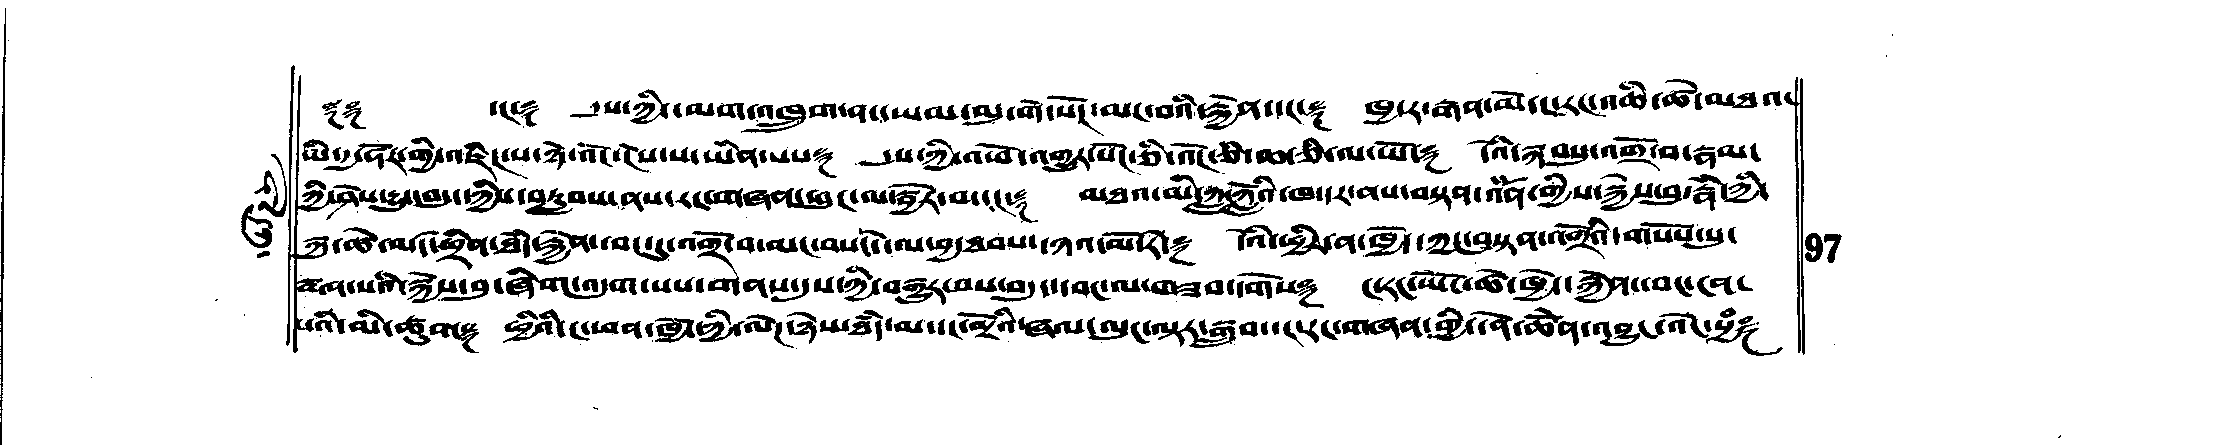དང་། དུས་ཀྱི་དམག་འཁྲུག་ནད་ཡམས་མུ་གེ་སོགས་མང་བའི་རྐྱེན་དང་། ཁྱད་པར་རྒན་མོ་༼པོ་?༽ང་རང་འཆི་ཚེ་མཐའ་
ཡི་རྒྱ་ཧོར་གྱི་འཇིགས་པ་ཉེ་འོང་ངེས་པ་ཡིན་པས། དུས་ཀྱི་འཕོ་འགྱུར་སོགས་ཅིང་འོང་ཅི་ཆ་ཅི་ལ་ཡོད། དེའི་སྐབས་སུ་འགྲོ་བ་རྣམས་
ཀྱི་ཤེས་རྒྱུད་བདུད་ཀྱིས་བརླབས་ནས་རང་གཞན་ཕུང་ལ་སྦྱོར་བ་དང་། མཐའ་མི་ཀླ་ཀློའི་ཁ་དར་ནས་བསྟན་འཛིན་གྱི་སྐྱེས་བུ་རྣམས་ཀྱི་
སྐུ་ཚེ་མཛད་ཕྲིན་ཐམས་ཅད་རྐྱེན་དབང་དུ་འགྲོ་བ་མང་བས་དེ་ལ་བྱ་ཐབས་དཀའ་མོ་རེད། དེའི་ཕྱིར་ན་ཁྱོད་ཀྱང་བསྟན་འགྲོའི་གསོས་སུ་
སྨན་པའི་སྐྱེས་བུ་ཞིག་འདུག་པས་གནས་དུས་ཀྱི་བསྒྱུར་བས་བདུད་དབང་ལ་གཟབ་དགོས། ང་རང་ཡོང་ཚེ་ཁྱེད་རྐྱེན་དབང་ངན་
པའི་མི་ཚུགས། ཕྱིའི་ང་༼ད་?༽ཕན་ཁྱོད་ཀྱི་ལེགས་ཉེས་ཐམས་ཅད་མ་དང་མཁའ་འགྲོའི་ཞལ་ལུང་ལྟར་སྒྲུབས་དང་རང་གཞན་གྱི་དོན་ཆེན་པོ་འབྱུང་འོང་གསུང་།